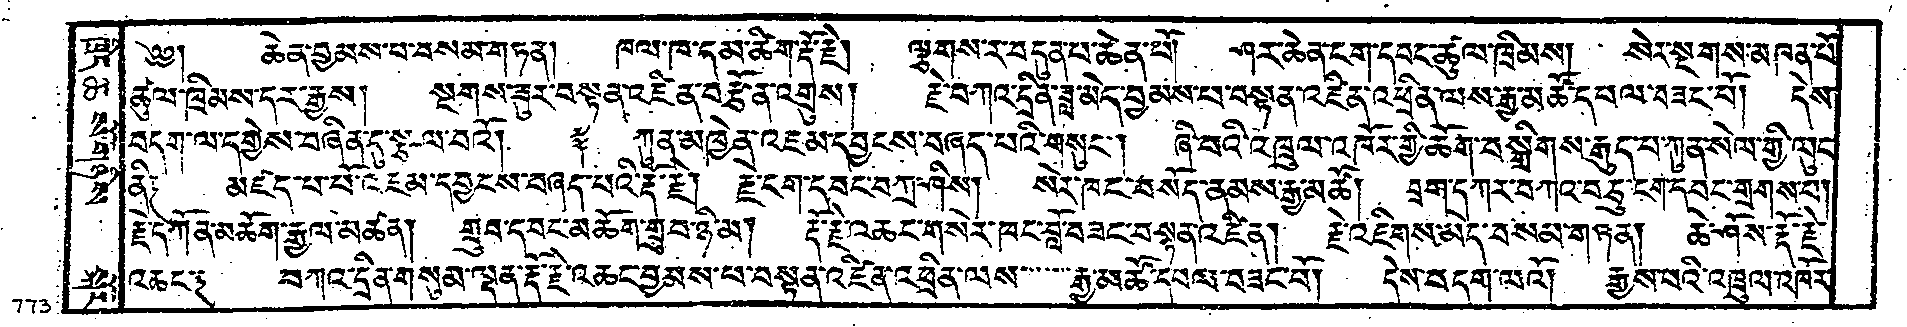༄༅། །ཆེན་བྱམས་པ་བསམ་གཏན། ཁལ་ཁ་དམ་ཚིག་རྡོ་རྗེ། ལྕགས་ར་བདུན་པ་ཆེན་པོ། ཤར་ཆེན་ངག་དབང་ཚུལ་ཁྲིམས། སེར་སྔགས་མཁན་པོ་
ཚུལ་ཁྲིམས་དར་རྒྱས། སྔགས་ཟུར་བསྟན་འཛིན་བརྩོན་འགྲུས། རྗེ་བཀའ་དྲིན་ཟླ་མེད་བྱམས་པ་བསྟན་འཛིན་འཕྲིན་ལས་རྒྱ་མཚོ་དཔལ་བཟང་པོ། དེས་
བདག་ལ་དགྱེས་བཞིན་དུ་སྩལ་བའོ། ༈ ཀུན་མཁྱེན་འཇམ་དབྱངས་བཞད་པའི་གསུང་། ཞི་བའི་འཁྲུལ་འཁོར་གྱི་ཆོག་བསྒྲིགས་རྒུད་པ་ཀུན་སེལ་གྱི་ལུང་
ནི༑ མཛད་པ་པོ་འཇམ་དབྱངས་བཞད་པའི་རྡོ་རྗེ། རྗེ་ངག་དབང་བཀྲ་ཤིས། སེར་ཁང་བསོད་ནམས་རྒྱ་མཚོ། བྲག་དཀར་བཀའ་བཅུ་ངག་དབང་གྲགས་པ།
རྗེ་དཀོན་མཆོག་རྒྱལ་མཚན། གྲུབ་དབང་མཆོག་གྲུབ་ཉི་མ། རྡོ་རྗེ་འཆང་གསེར་ཁང་བློ་བཟང་བསྟན་འཛིན། རྗེ་འཇིགས་མེད་བསམ་གཏན། ཆེ་ཤོས་རྡོ་རྗེ་
འཆང༑ བཀའ་དྲིན་གསུམ་ལྡན་རྡོ་རྗེ་འཆང་བྱམས་པ་བསྟན་འཛིན་འཕྲིན་ལས་རྒྱ་མཚོ་དཔལ་བཟང་པོ། དེས་བདག་ལའོ། རྒྱས་པའི་འཁྲུལ་འཁོར་